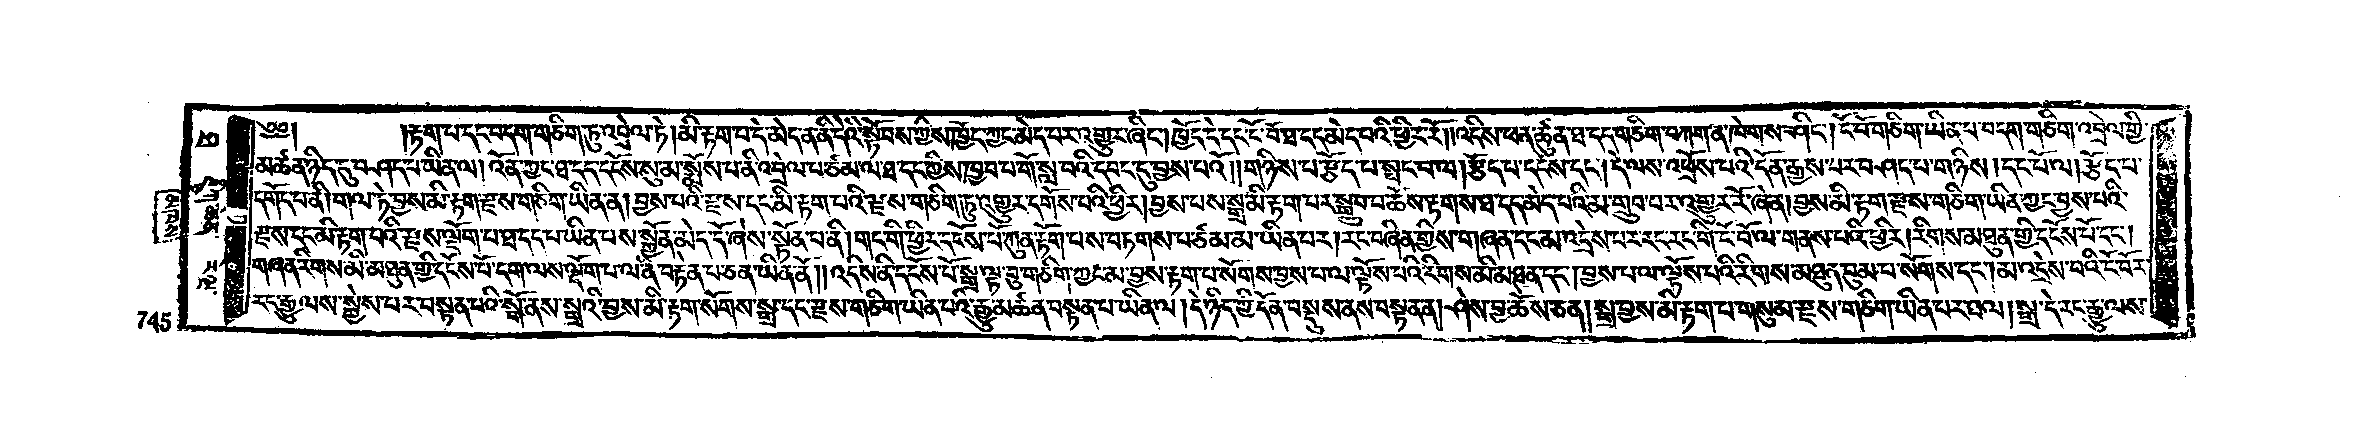༄༅། །རྟག་པ་དང་བདག་གཅིག་ཏུ་འབྲེལ་ཏེ། མི་རྟག་པ་དེ་མེད་ན་ནི་དེའི་སྟོབས་ཀྱིས་ཁྱོད་ཀྱང་མེད་པར་འགྱུར་ཞིང་། ཁྱོད་དེ་དང་ངོ་བོ་ཐ་དད་མེད་པའི་ཕྱིར་རོ། །འདིས་ཕན་ཚུན་ཐ་དད་གཅིག་བཀག་ན་ཁེགས་ཤིང་། ངོ་བོ་གཅིག་ཡིན་པ་བདག་གཅིག་འབྲེལ་གྱི་
མཚན་ཉིད་དུ་བཤད་པ་ཡིན་ལ། འོན་ཀྱང་ཐ་དད་དངོས་སུ་མ་སྨོས་པ་ནི་འབྲེལ་པ་ཙམ་ལ་ཐ་དད་ཀྱིས་ཁྱབ་པ་གོ་སླ་བའི་དབང་དུ་བྱས་པའོ། །གཉིས་པ་རྩོད་པ་སྤང་པ་ལ། རྩོད་པ་དངོས་དང་། དེ་ལས་འཕྲོས་པའི་དོན་རྒྱས་པར་བཤད་པ་གཉིས། དང་པོ་ལ། རྩོད་པ་
དགོད་པ་ནི། གལ་ཏེ་བྱས་མི་རྟག་རྫས་གཅིག་ཡིན་ན། བྱས་པའི་རྫས་དང་མི་རྟག་པའི་རྫས་གཅིག་ཏུ་འགྱུར་དགོས་པའི་ཕྱིར། བྱས་པས་སྒྲ་མི་རྟག་པར་སྒྲུབ་པ་ཆོས་རྟགས་ཐ་དད་མེད་པའི་མ་གྲུབ་པར་འགྱུར་རོ་ཞེ་ན། བྱས་མི་རྟག་རྫས་གཅིག་ཡིན་ཀྱང་བྱས་པའི་
རྫས་དང་མི་རྟག་པའི་རྫས་ལྡོག་པ་ཐ་དད་པ་ཡིན་པས་སྐྱོན་མེད་དོ་ཞེས་སྟོན་པ་ནི། གང་གི་ཕྱིར་དངོས་པོ་ཀུན་རྟོག་པས་བཏགས་པ་ཙམ་མ་ཡིན་པར། རང་བཞིན་གྱིས་གཞན་དང་མ་འདྲེས་པར་རང་རང་གི་ངོ་བོ་ལ་གནས་པའི་ཕྱིར། རིགས་མཐུན་གྱི་དངོས་པོ་དང་།
གཞན་རིགས་མི་མཐུན་གྱི་དངོས་པོ་དག་ལས་ལྡོག་པ་ལ་ནི་བརྟེན་པ་ཅན་ཡིན་ནོ། །འདིས་ནི་དངོས་པོ་སྒྲ་ལྟ་བུ་གཅིག་ཀྱང་མ་བྱས་རྟག་པ་སོགས་བྱས་པ་ལ་ལྟོས་པའི་རིགས་མི་མཐུན་དང་། བྱས་པ་ལ་ལྟོས་པའི་རིགས་མཐུན་བུམ་པ་སོགས་དང་། མ་འདྲེས་པའི་ངོ་བོར་
རང་རྒྱུ་ལས་སྐྱེས་པར་བསྟན་པའི་སྒོ་ནས་སྒྲའི་བྱས་མི་རྟག་སོགས་སྒྲ་དང་རྫས་གཅིག་ཡིན་པའི་རྒྱུ་མཚན་བསྟན་པ་ཡིན་ལ། དེ་ཉིད་ཀྱི་དོན་བསྡུས་ནས་བསྟན་ན། ཤེས་བྱ་ཆོས་ཅན། སྒྲ་བྱས་མི་རྟག་པ་གསུམ་རྫས་གཅིག་ཡིན་པར་ཐལ། སྒྲ་དེ་རང་རྒྱུ་ལས་